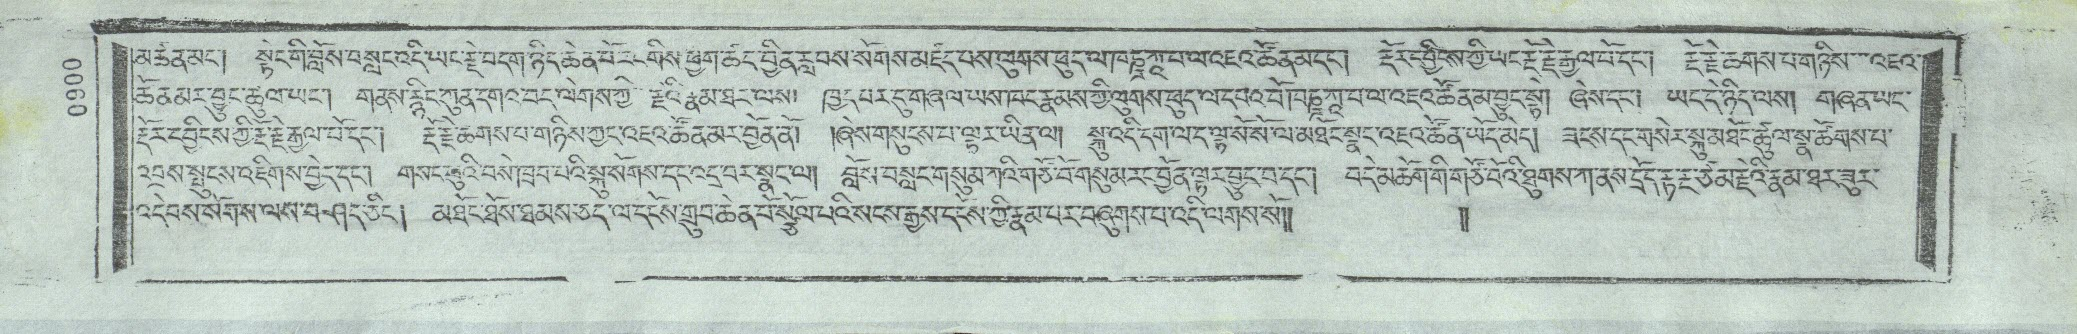མཚན་མང་། སྟེང་གི་བློས་བསླང་འདི་ཡང་རྗེ་བདག་ཉིད་ཆེན་པོ་རང་གིས་ཕྱག་ཚང་བྱིན་རླབས་སོགས་མཛད་པས་ལུགས་ཕུད་ལ་ཁཎྜ་ཀཱ་བ་ལ་འཇའ་ཚོན་མ་དང་། རྡོར་དབྱིངས་ཀྱི་ཡང་རྡོ་རྗེ་རྒྱལ་པོ་དང་། རྡོ་རྗེ་ཆགས་པ་གཉིས་འཇའ་
ཆོན་མར་བྱུང་ཚུལ་ཡང་། གནས་རྙིང་ཀུན་དགའ་བད་ལེགས་ཀྱི་རྗེའི་རྣམ་ཐར་ལས། ཁྱད་པར་དུ་གཞལ་ཡས་ཁང་རྣམས་ཀྱི་ལུགས་ཕུད་ལ་དཔའ་བོ་ཁཎྜ་ཀཱ་བ་ལ་འཇའ་ཚོན་མ་བྱུང་སྟེ། ཞེས་དང་། ཡང་དེ་ཉིད་ལས། གཞན་ཡང་
རྡོར་དབྱིངས་ཀྱི་རྡོ་རྗེ་རྒྱལ་པོ་དང་། རྡོ་རྗེ་ཆགས་པ་གཉིས་ཀྱང་འཇའ་ཚོན་མར་བྱོན་ནོ། །ཞེས་གསུངས་པ་ལྟར་ཡིན་ལ། སྐུ་འདི་དག་ལ་ད་ལྟ་སོ་སོ་ལ་མཐོང་སྣང་འཇའ་ཚོན་ཡོད་མེད། ཟངས་དང་གསེར་སྐུ་མཐོང་ཚུལ་སྣ་ཚོགས་པ་
འབྲས་སྤུངས་འཇིགས་བྱེད་དང་། གསང་པུའི?་བསེ་ཁྲབ་པའི་སྐུ་སོགས་དང་འདྲ་བར་སྣང་ལ། བློས་བསླང་གསུམ་ཀའི་གཙོ་བོ་གསུམ་རང་བྱོན་ལྟར་བྱུང་བ་དང་། བདེ་མཆོག་གི་གཙོ་བོའི་ཐུགས་ཀ་ནས་དྲོད་རྟ་རྔ་ཙམ་རྗེའི་རྣམ་ཐར་ཟུར་
འདེབས་སོགས་ལས་བཤད་ཅིང་། མཐོང་ཐོས་ཐམས་ཅད་ལ་དངོས་གྲུབ་ཆེན་པོ་སྩོལ་པའི་སངས་རྒྱས་དངོས་ཀྱི་རྣམ་པར་བཞུགས་འདི་ལགས་སོ།། །།